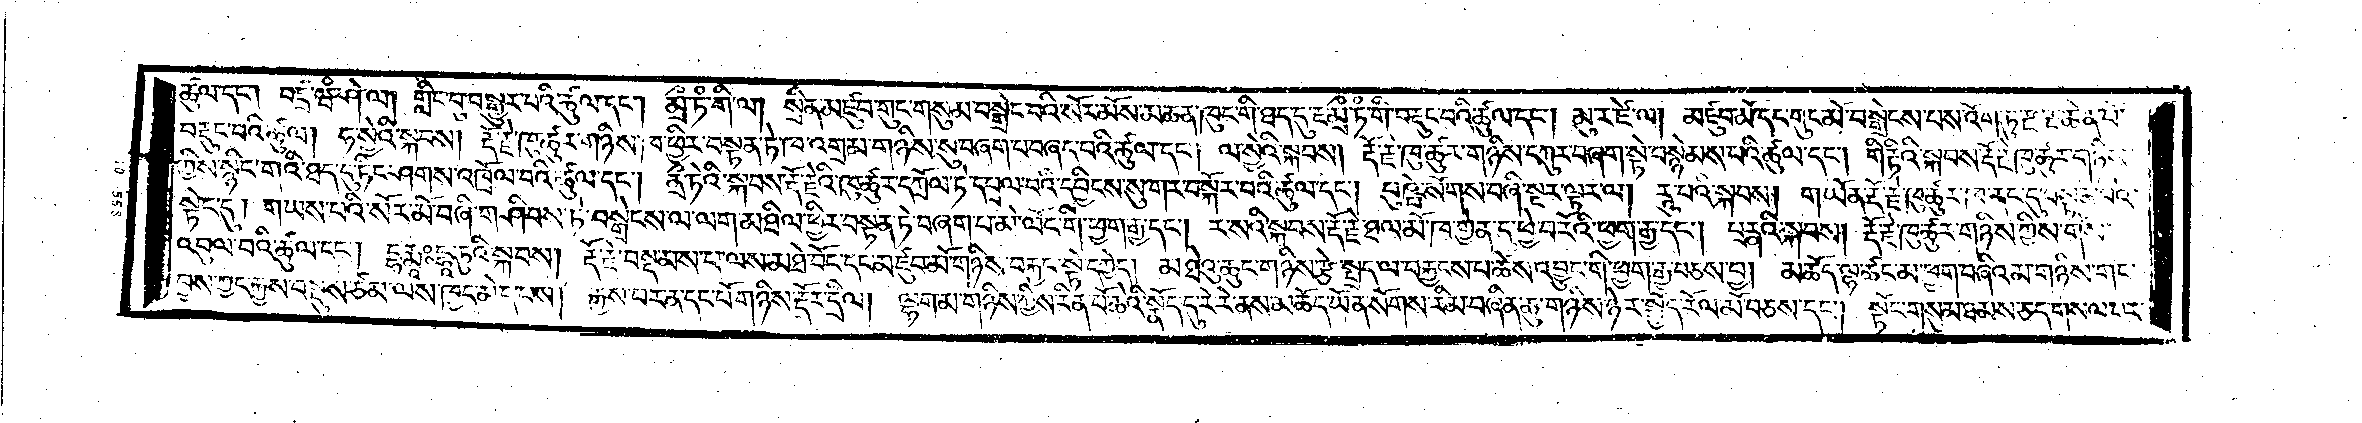ཚུལ་དང་། བཛྲ་ཝཾ་ཤེ་ལ། གླིང་བུ་བསྒྱུར་བའི་ཚུལ་དང་། མྲྀ་ཏཾ་གི་ལ། སྲིན་མཛུབ་གུང་གསུམ་བསྒྲེང་བའི་སོར་མོས་མཆན་ཁུང་གི་ཐད་དུ་རྡམྲྀ་ཏཾ་གི་བརྡུང་བའི་ཚུལ་དང་། མུར་ཛེ་ལ། མཛུབ་མོ་དང་གུང་མོ་བསྒྲེངས་པས་འོག་ཏུ་རྫ་རྔ་ཆེན་པོ་
བརྡུང་བའི་ཚུལ་ཧ་སྱེའི་སྐབས། རྡོ་རྗེ་ཁུ་ཚུར་གཉིས་ཁ་ཕྱིར་བསྟན་ཏེ་ཁ་འགྲམ་གཉིས་སུ་བཞག་པ་བཞངས་པའི་ཚུལ་དང་། ལ་སྱེའི་སྐབས། རྡོ་རྗེ་ཁུ་ཚུར་གཉིས་དཀུར་བཞག་སྟེ་བསྙེམས་པའི་ཚུལ་དང་། གི་རྟིའི་སྐབས་རྡོ་རྗེ་ཁུ་ཚུར་གཉིས་
ཀྱིས་སྙིང་གའི་ཐད་དུ་ཏིང་ཤགས་འཁྲོལ་བའི་ཚུལ་དང་། ནྲྀ་ཏེའི་སྐབས་རྡོ་རྗེའི་ཁུ་ཚུར་དཀྲོལ་ཏེ་དབྲལ་བའི་དབྱིངས་སུ་གར་བསྐོར་བའི་ཚུལ་དང་། པུཥྤེ་སོགས་བཞི་སྔར་ལྟར་ལ། རཱུ་བའི་སྐབས། གཡོན་རྡོ་རྗེ་ཁུ་ཚུར་ཁ་ནང་དུ་བསྟན་པའི་
སྟེང་དུ། གཡས་པའི་སོར་མོ་བཞི་གཤིབས་ཏེ་བསྒྲེངས་ལ་ལག་མཐིལ་ཕྱིར་བསྟན་ཏེ་བཞག་པ་མེ་ལོང་གི་ཕྱག་རྒྱ་དང་། རེ་སའི་སྐབས་རྡོ་རྗེ་ཐལ་མོ་ཁ་གྱེན་དུ་ཕྱེ་བ་རོའི་ཕྱག་རྒྱ་དང་། པརྴའི་སྐབས། རྡོ་རྗེ་ཁུ་ཚུར་གཉིས་ཀྱིས་གོས་
འབུལ་བའི་ཚུལ་དང་། །དྷརྨཱཿ དྷཱ་ཏུའི་སྐབས། རྡོ་རྗེ་བསྡམས་པ་ལས་མཐེ་བོང་དང་མཛུབ་བོ་གཉིས་བརྐྱང་སྟེད་ཀྱེད། མཐེའུ་ཆུང་གཉིས་རྩེ་སྤྲད་ལ་བརྐྱངས་པ་ཆོས་འབྱུང་གི་ཕྱག་རྒྱ་བཅས་བྱ། མཆོད་ལྷ་ཚང་མ་ཕྱག་བཞིའམ་གཉིས་གང་
བྱས་ཀྱང་རྒྱས་བསྡུས་ཙམ་ལས་ཁྱད་མེད་པས། རྒྱས་པར་ན་དང་པོ་གཉིས་རྡོར་དྲིལ། ལྷག་མ་གཉིས་ཀྱིས་རིན་པོ་ཆེའི་སྣོད་དུ་རེ་རེ་ནས་མཆོད་ཡོན་སོགས་རིམ་བཞིན་ཆུ་གཉིས་ཉེར་སྤྱོད་རོལ་མོ་བཅས་དང་། སྟོང་གསུམ་ཐམས་ཅད་གསལ་བར་